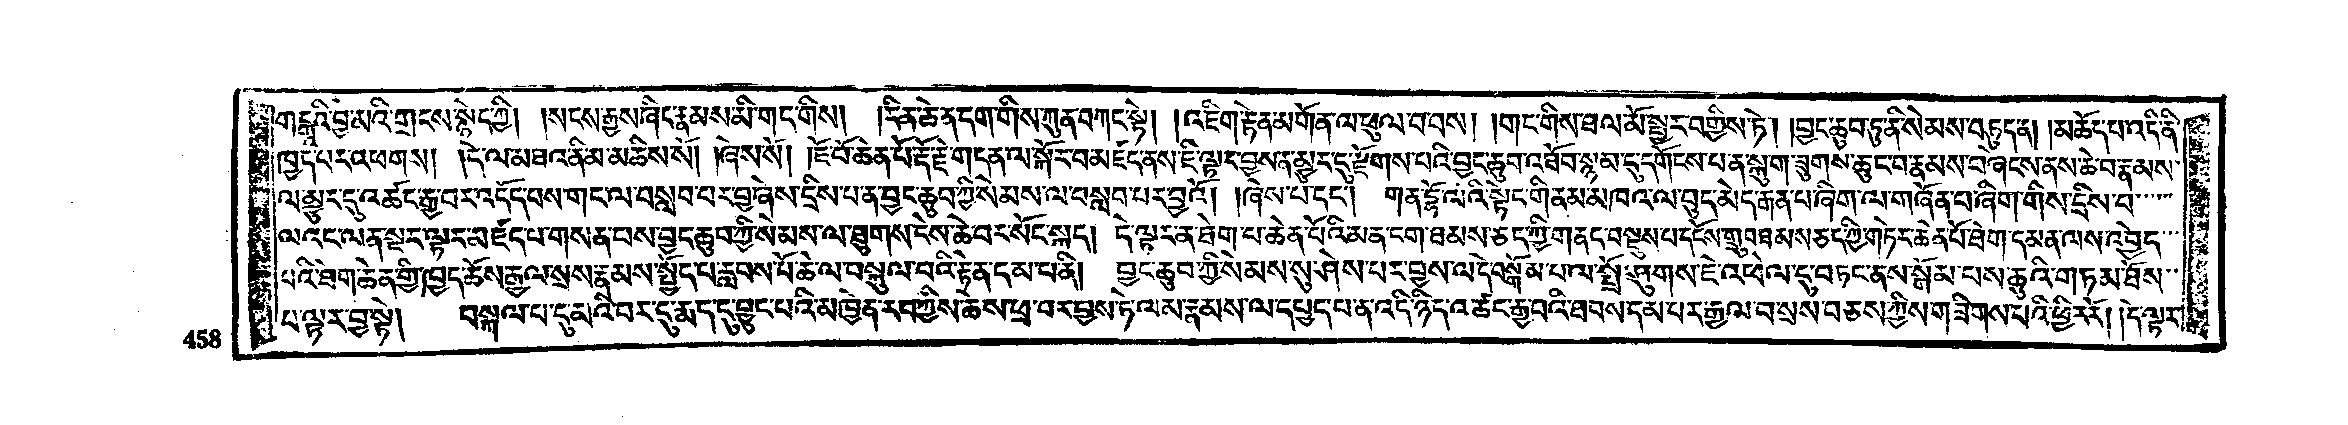གངྒཱའི་བྱེ་མའི་གྲངས་སྙེད་ཀྱི། །སངས་རྒྱས་ཞིང་རྣམས་མི་གང་གིས། །རིན་ཆེན་དག་གིས་ཀུན་བཀང་སྟེ། །འཇིག་རྟེན་མགོན་ལ་ཕུལ་བ་བས། །གང་གིས་ཐལ་མོ་སྦྱར་བགྱིས་ཏེ། །བྱང་ཆུབ་ཏུ་ནི་སེམས་བཏུད་ན། །མཆོད་པ་འདི་ནི་
ཁྱད་པར་འཕགས། །དེ་ལ་མཐའ་ནི་མ་མཆིས་སོ། །ཞེས་སོ། །ཇོ་བོ་ཆེན་པོ་རྡོ་རྗེ་གདན་ལ་སྐོར་བ་མཛད་ནས་ཇི་ལྟར་བྱས་ན་མྱུར་དུ་རྫོགས་པའི་བྱང་ཆུབ་འཐོབ་སྙམ་དུ་དགོངས་པ་ན་སྐུ་གཟུགས་ཆུང་བ་རྣམས་བཞེངས་ནས་ཆེ་བ་རྣམས་
ལ་མྱུར་དུ་འཚང་རྒྱ་བར་འདོད་པས་གང་ལ་བསླབ་པར་བྱ་ཞེས་དྲིས་པ་ན་བྱང་ཆུབ་ཀྱི་སེམས་ལ་བསླབ་པར་བྱའོ། །ཞེས་པ་དང་། གན་དྷོ་ལའི་སྟེང་གི་ནམ་མཁའ་ལ་བུད་མེད་རྒན་པ་ཞིག་ལ་གཞོན་པ་ཞིག་གིས་དྲིས་པ་
ལའང་ལན་སྔར་ལྟར་མཛད་པ་གསན་པས་བྱང་ཆུབ་ཀྱི་སེམས་ལ་ཐུགས་ངེས་ཆེ་བར་སོང་སྐད། དེ་ལྟར་ན་ཐེག་པ་ཆེན་པོའི་མན་ངག་ཐམས་ཅད་ཀྱི་གནད་བསྡུས་པ་དངོས་གྲུབ་ཐམས་ཅད་ཀྱི་གཏེར་ཆེན་པོ་ཐེག་དམན་ལས་འབྱེད་
པའི་ཐེག་ཆེན་གྱི་ཁྱད་ཆོས་རྒྱལ་སྲས་རྣམས་སྤྱོད་པ་རླབས་པོ་ཆེ་ལ་བསྐུལ་པའི་རྟེན་དམ་པ་ནི། བྱང་ཆུབ་ཀྱི་སེམས་སུ་ཤེས་པར་བྱས་ལ་དེ་བསྒོམ་པ་ལ་སྤྲོ་ཤུགས་ཇེ་འཕེལ་དུ་བཏང་ནས་སྐོམ་པས་ཆུའི་གཏམ་ཐོས་
པ་ལྟར་བྱ་སྟེ། བསྐལ་པ་དུ་མའི་བར་དུ་རྨད་དུ་བྱུང་བའི་མཁྱེན་རབ་ཀྱིས་ཆེས་ཕྲ་བར་བྱས་ཏེ་ལམ་རྣམས་ལ་དཔྱད་པ་ན་འདི་ཉིད་འཚང་རྒྱ་བའི་ཐབས་དམ་པར་རྒྱལ་བ་སྲས་བཅས་ཀྱིས་གཟིགས་པའི་ཕྱིར་རོ། །དེ་ལྟར་